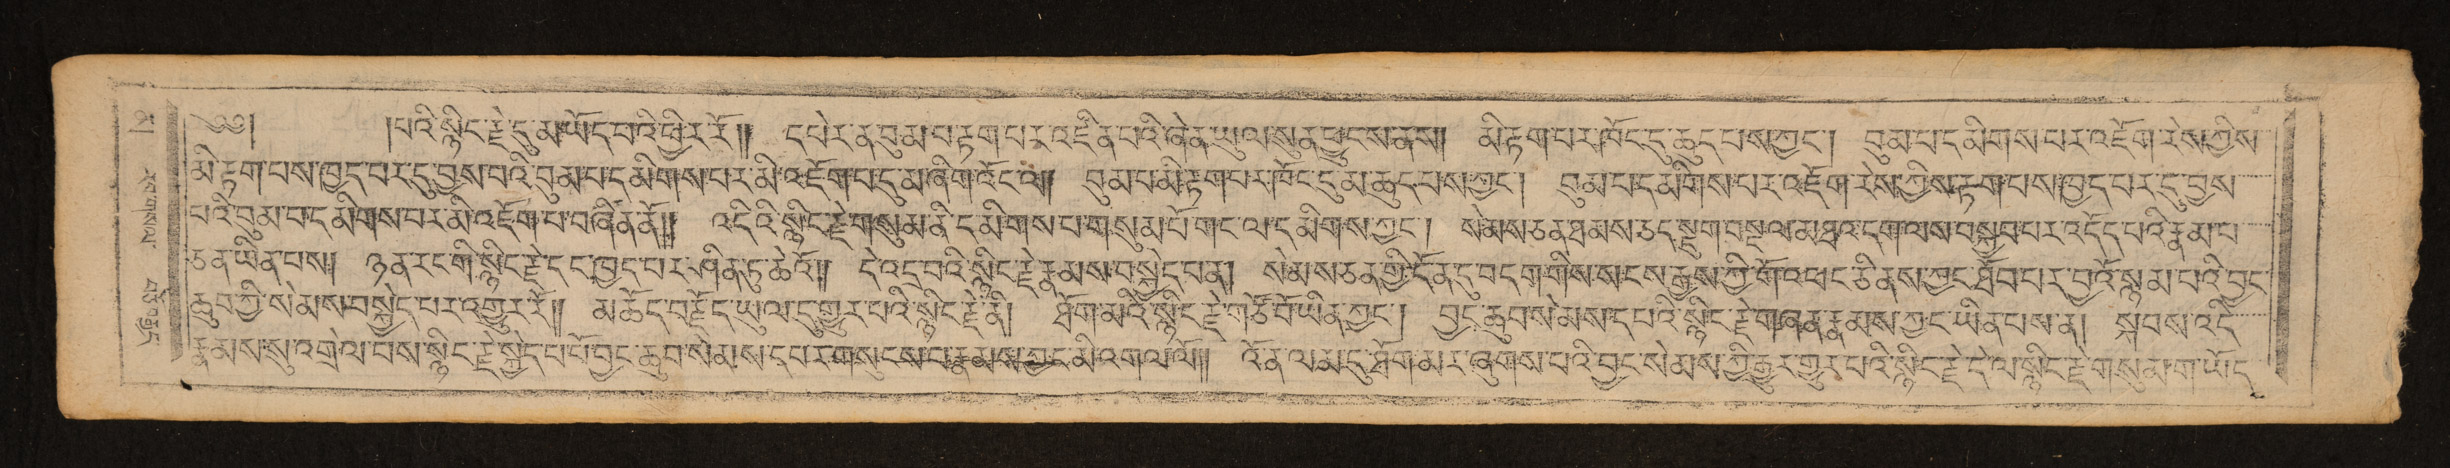༄༅། པའི་སྙིང་རྗེ་དུ་མ་ཡོད་པའི་ཕྱིར་རོ།། དཔེར་ན་བུམ་པ་རྟག་པར་འཛིན་པའི་ཞེན་ཡུལ་སུན་ཕྱུངས་ནས། མི་རྟག་པར་ཁོང་དུ་ཆུད་པས་ཀྱང་། བུམ་པ་དམིགས་པར་འཇོག་རེས་ཀྱིས་
མི་རྟག་པས་ཁྱད་པར་དུ་བྱས་པའི་བུམ་པ་དམིགས་པར་མི་འཇོག་པ་དུ་མ་ཞིག་འོང་ལ། བུམ་པ་མི་རྟག་པར་ཁོང་དུ་མ་ཆུད་པས་ཀྱང་། བུམ་པ་དམིགས་པར་འཇོག་རེས་ཀྱིས་རྟག་པས་ཁྱད་པར་དུ་བྱས་
པའི་བུམ་པ་དམིགས་པར་མི་འཇོག་པ་བཞིན་ནོ།། འདིའི་སྙིང་རྗེ་གསུམ་ནི་དམིགས་པ་གསུམ་པོ་གང་ལ་དམིགས་ཀྱང་། སེམས་ཅན་ཐམས་ཅད་སྡུག་བསྔལ་མཐའ་དག་ལས་བསྐྱབ་པར་འདོད་པའི་རྣམ་པ་
ཅན་ཡིན་པས། ཉན་རང་གི་སྙིང་རྗེ་དང་ཁྱད་པར་ཤིན་ཏུ་ཆེའོ།། དེ་འདྲ་བའི་སྙིང་རྗེ་རྣམས་བསྐྱེད་པ་ན། སེམས་ཅན་གྱི་དོན་དུ་བདག་གིས་སངས་རྒྱས་ཀྱི་གོ་འཕང་ཅི་ནས་ཀྱང་ཐོབ་པར་བྱའོ་སྙམ་པའི་བྱང་
ཆུབ་ཀྱི་སེམས་བསྐྱེད་པར་འགྱུར་རོ།། མཆོད་བརྗོད་ཡུལ་དུ་གྱུར་པའི་སྙིང་རྗེ་ནི། ཐོག་མའི་སྙིང་རྗེ་གཙོ་བོ་ཡིན་ཀྱང་། བྱང་ཆུབ་སེམས་དཔའི་སྙིང་རྗེ་གཞན་རྣམས་ཀྱང་ཡིན་པས་ན། སྐབས་འདི་
རྣམས་སུ་འགྲེལ་པས་སྙིང་རྗེ་སྐྱེད་པ་པོ་བྱང་ཆུབ་སེམས་དཔར་གསུངས་པ་རྣམས་ཀྱང་མི་འགལ་ལོ།། འོ་ན་ལམ་དུ་ཐོག་མར་ཞུགས་པའི་བྱང་སེམས་ཀྱི་རྒྱུར་གྱུར་པའི་སྙིང་རྗེ་དེ་ལ་སྙིང་རྗེ་གསུམ་ག་ཡོད་